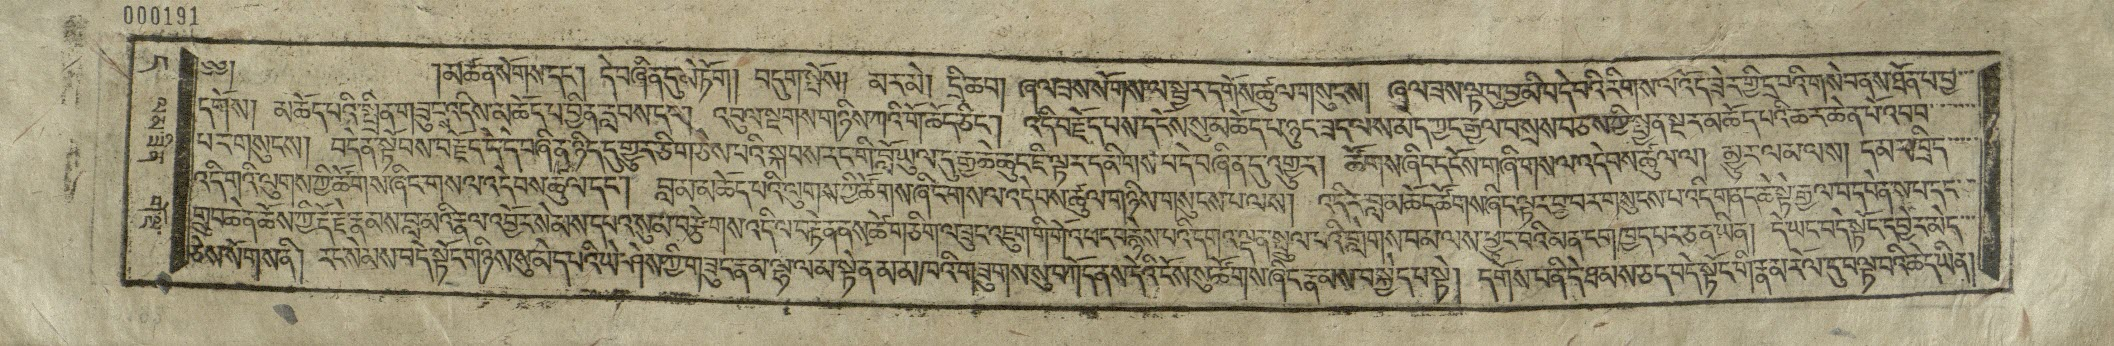༄༅། །མཚན་སོགས་དང་། དེ་བཞིན་དུ་མེ་ཏོག །བདུན་སྤོས། མར་མེ། དྲི་ཆབ། ཞལ་ཟས་སོགས་ལ་སྦྱར་དགོས་ཚུལ་གསུངས། ཞལ་ཟས་ལྟ་བུ་བྱ་མི་བདེ་བའི་རིགས་ལ་འོད་ཟེར་གྱི་དྲ་བའི་གསེབ་ནས་ཐོན་པ་བྱ་
དགོས། མཆོད་པའི་སྤྲིན་གཟུངས་འདིས་མཆོད་པ་བྱིན་རླབས་དང་། འབུལ་སྔགས་གཉིས་ཀའི་གོ་ཆོད་ཅིང་། འདི་བརྗོད་པས་དངོས་སུ་མཆོད་པ་ཉུང་ཟད་ལས་མེད་ཀྱང་རྒྱལ་བ་སྲས་བཅས་ཀྱི་སྤྱན་སྔར་མཆོད་པའི་ཆར་ཆེན་པོ་འབབ་
པར་གསུངས། བདེན་སྟོབས་བརྗོད་དེ་དེ་བཞིན་ཉིད་དུ་གྱུར་ཅིག་ཅེས་པའི་སྐབས་རང་གི་བློ་ཡུལ་དུ་རྒྱ་ཆེ་ཆུང་ཇི་ལྟར་དམིགས་པ་དེ་བཞིན་དུ་འགྱུར། ཚོགས་ཞིང་དངོས་གཞི་གསལ་འདེབས་ཚུལ་ལ། མྱུར་ལམ་ལས། དམར་ཁྲིད་
འདི་གའི་ལུགས་ཀྱི་ཚོགས་ཞིང་གསལ་འདེབས་ཚུལ་དང་། བླ་མ་མཆོད་པའི་ལུགས་ཀྱི་ཚོགས་ཞིང་གསལ་འདེབས་ཚུལ་གཉིས་གསུངས་པ་ལས། འདིར་བླ་མཆོད་ཚོགས་ཞིང་ལྟར་བྱ་བར་གསུངས་པ་འདི་གནད་ཆེ་སྟེ་རྒྱལ་བ་དབེན་ས་པ་དང་
གྲུབ་ཆེན་ཆོས་ཀྱི་རྡོ་རྗེ་རྣམས་བླ་མའི་རྣལ་འབྱོར་སེམས་དཔའ་སུམ་བརྩེགས་འདི་ལ་བརྟེན་ནས་ཚེ་གཅིག་ལ་ཟུང་འཇུག་གི་གོ་འཕང་བརྙེས་པའི་དགའ་ལྡན་སྤྲུལ་པའི་གླེགས་བམ་ལས་ཕྱུང་བའི་མན་ངག་ཁྱད་པར་ཅན་ཡིན། དེ་ཡང་བདེ་སྟོང་དབྱེར་མེད་
ཅེས་སོགས་ནི། རང་སེམས་བདེ་སྟོང་གཉིས་སུ་མེད་པའི་ཡེ་ཤེས་ཀྱི་གཟུང་རྣམ་ལྷ་ལམ་སྟེ་ནམ་མཁའི་གཟུགས་སུ་བཀོད་ནས་དེའི་ངོས་སུ་ཚོགས་ཞིང་རྣམས་བསྐྱེད་པ་སྟེ། དགོས་པ་ནི་དེ་ཐམས་ཅད་བདེ་སྟོང་གི་རྣམ་རོལ་དུ་བལྟ་བའི་ཆེད་ཡིན།